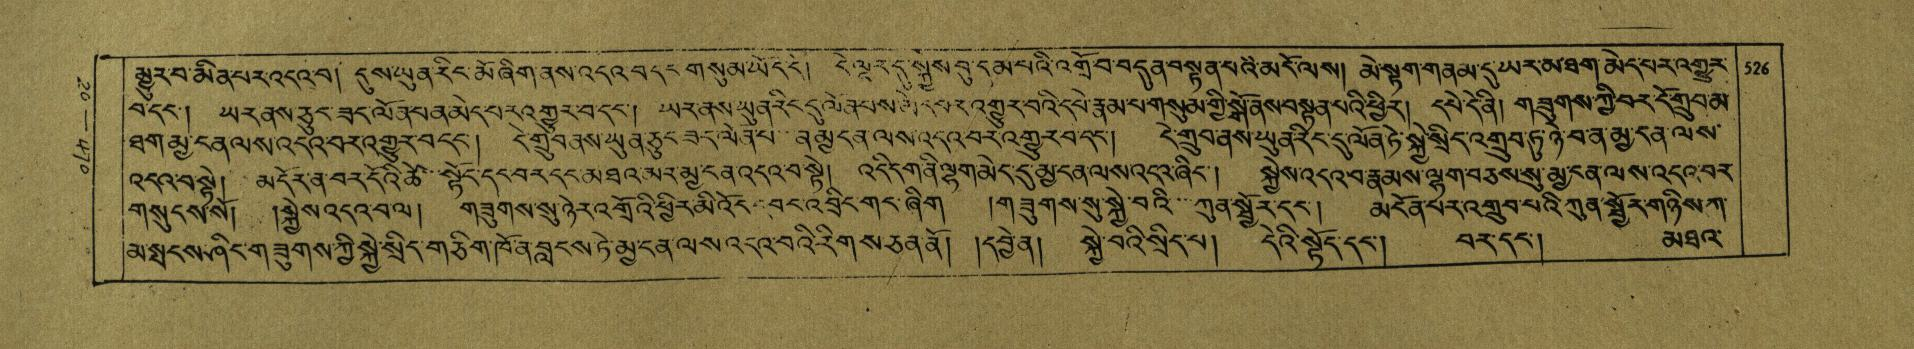མྱུར་བ་མིན་པར་འདའ་བ། དུས་ཡུན་རིང་མོ་ཞིག་ནས་འདའ་བ་དང་གསུམ་ཡོད་དེ། དེ་ལྟར་དུ་སྐྱེས་བུ་དམ་པའི་འགྲོ་བ་བདུན་བསྟན་པའི་མདོ་ལས། མེ་སྟག་གནམ་དུ་ཡར་མ་ཐག་མེད་པར་འགྱུར་
བ་དང་། ཡར་ནས་ཅུང་ཟད་ལོན་པ་ན་མེད་པར་འགྱུར་བ་དང་། ཡར་ནས་ཡུན་རིང་དུ་ལོན་པས་མེད་པར་འགྱུར་བའི་དཔེ་རྣམ་པ་གསུམ་གྱི་སྒོ་ནས་བསྟན་པའི་ཕྱིར། དཔེ་དེ་ནི། གཟུགས་ཀྱི་བར་དོ་གྲུབ་མ་
ཐག་མྱ་ངན་ལས་འདའ་བར་འགྱུར་བ་དང་། དེ་གྲུབ་ནས་ཡུན་ཅུང་ཟད་ལོན་པ་ན་མྱ་ངན་ལས་འདའ་བར་འགྱུར་བ་དང་། དེ་གྲུབ་ནས་ཡུན་རིང་དུ་ལོན་ཏེ་སྐྱེ་སྲིད་འགྲུབ་ཏུ་ཉེ་བ་ན་མྱ་ངན་ལས་
འདའ་བ་སྟེ། མདོར་ན་བར་དོའི་ཚེ་སྟོང་དང་བར་དང་མཐའ་མར་མྱ་ངན་འདའ་བ་སྟེ། འདི་དག་ནི་ལྷག་མེད་དུ་མྱ་ངན་ལས་འདའ་ཞིང་། སྐྱེས་འདའ་བ་རྣམས་ལྷག་བཅས་སུ་མྱ་ངན་ལས་འདའ་བར་
གསུངས་སོ། །སྐྱེས་འདའ་བ་ལ། གཟུགས་སུ་ཉེར་འགྲོའི་ཕྱིར་མི་འོང་དབང་འབྲིང་གང་ཞིག །གཟུགས་སུ་སྐྱེ་བའི་ཀུན་སྦྱོར་དང་། མངོན་པར་འགྲུབ་པའི་ཀུན་སྦྱོར་གཉིས་ཀ་
མ་སྤངས་ཤིང་གཟུགས་ཀྱི་སྐྱེ་སྲིད་གཅིག་ཁོ་ན་བླངས་ཏེ་མྱ་ངན་ལས་འདའ་བའི་རིགས་ཅན་ནོ། །དབྱེ་ན། སྐྱེ་བའི་སྲིད་པ། དེའི་སྟོད་དང་། བར་དང་། མཐའ་